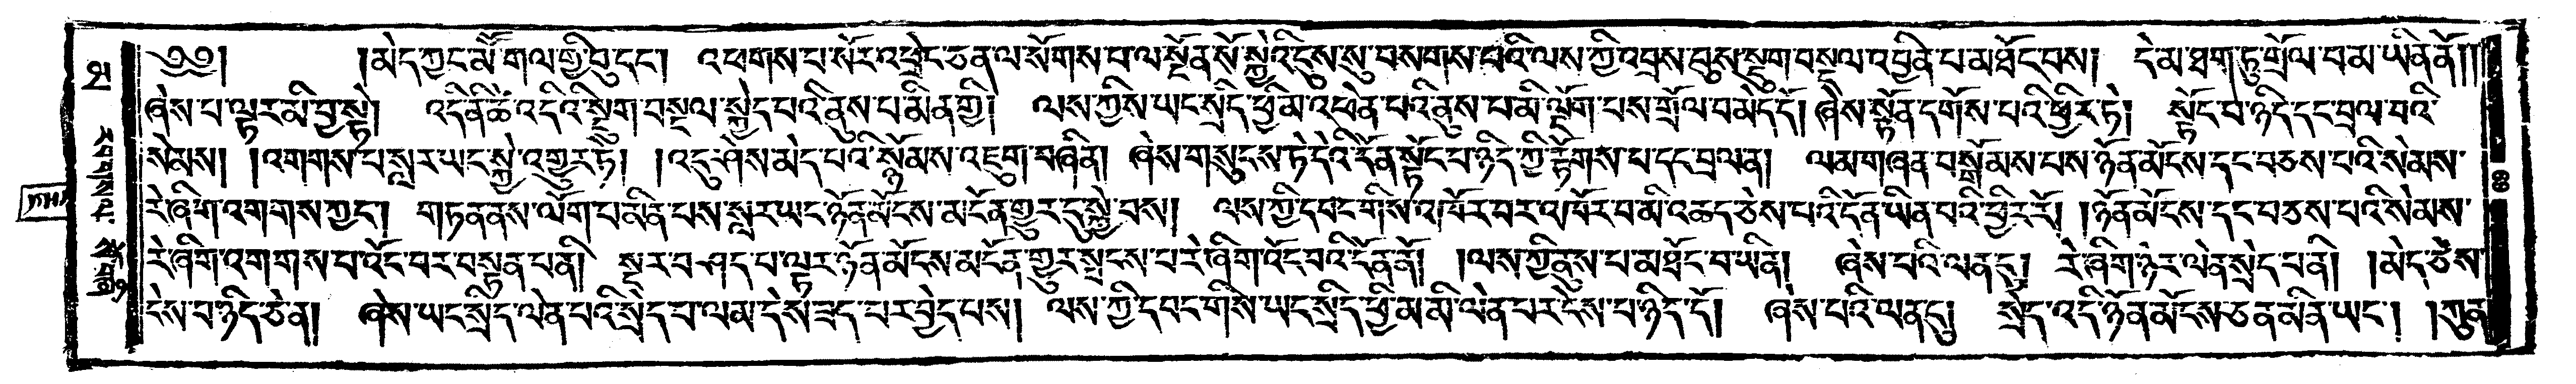༄༅། །མེད་ཀྱང་མཽ་གལ་གྱི་བུ་དང་། འཕགས་པ་སོར་ཕྲེང་ཅན་ལ་སོགས་པ་ལ་སྔོན་སོ་སྐྱེའི་དུས་སུ་བསགས་པའི་ལས་ཀྱི་འབྲས་བུས་སྡུག་བསྔལ་འབྱིན་པ་མཐོང་བས། དེ་མ་ཐག་ཏུ་གྲོལ་བ་མ་ཡིན་ནོ།།
ཞེས་པ་ལྟར་མི་བྱ་སྟེ། འདི་ནི་ཚེ་འདིའི་སྡུག་བསྔལ་སྐྱེད་པའི་ནུས་པ་མིན་གྱི། ལས་ཀྱིས་ཡང་སྲིད་ཕྱི་མ་འཕེན་པའི་ནུས་པ་མི་ལྡོག་པས་གྲོལ་བ་མེད་དོ། ཞེས་སྟོན་དགོས་པའི་ཕྱིར་ཏེ། སྟོང་པ་ཉིད་དང་བྲལ་བའི་
སེམས། །འགགས་པ་སླར་ཡང་སྐྱེ་འགྱུར་ཏེ། །འདུ་ཤེས་མེད་པའི་སྙོམས་འཇུག་བཞིན། ཞེས་གསུངས་ཏེ་དེའི་དོན་སྟོང་པ་ཉིད་ཀྱི་རྟོགས་པ་དང་བྲལ་ན། ལམ་གཞན་བསྒོམས་པས་ཉོན་མོངས་དང་བཅས་པའི་སེམས་
རེ་ཞིག་འགགས་ཀྱང་། གཏན་ནས་ལོག་པ་མིན་པས་སླར་ཡང་ཉོན་མོངས་མངོན་གྱུར་དུ་སྐྱེ་བས། ལས་ཀྱི་དབང་གིས་འཁོར་བར་འཁོར་བ་མི་འཆད་ཅེས་པའི་དོན་ཡིན་པའི་ཕྱིར་རོ། །ཉོན་མོངས་དང་བཅས་པའི་སེམས་
རེ་ཞིག་འགགས་པ་འོང་བར་བསྟན་པ་ནི། སྔར་བཤད་པ་ལྟར་ཉོན་མོངས་མངོན་གྱུར་སྤངས་པ་རེ་ཞིག་འོང་བའི་དོན་ནོ། །ལས་ཀྱི་ནུས་པ་མཐོང་བ་ཡིན། ཞེས་པའི་ལན་དུ། རེ་ཞིག་ཉེར་ལེན་སྲེད་པ་ནི། །མེད་ཅེས་
ངེས་པ་ཉིད་ཅེ་ན། ཞེས་ཡང་སྲིད་ལེན་པའི་སྲེད་པ་ལམ་དེས་ཟད་པར་བྱེད་པས། ལས་ཀྱི་དབང་གིས་ཡང་སྲིད་ཕྱི་མ་མི་ལེན་པར་ངེས་པ་ཉིད་དོ། ཞེས་པའི་ལན་དུ། སྲེད་འདི་ཉོན་མོངས་ཅན་མིན་ཡང་། །ཀུན་